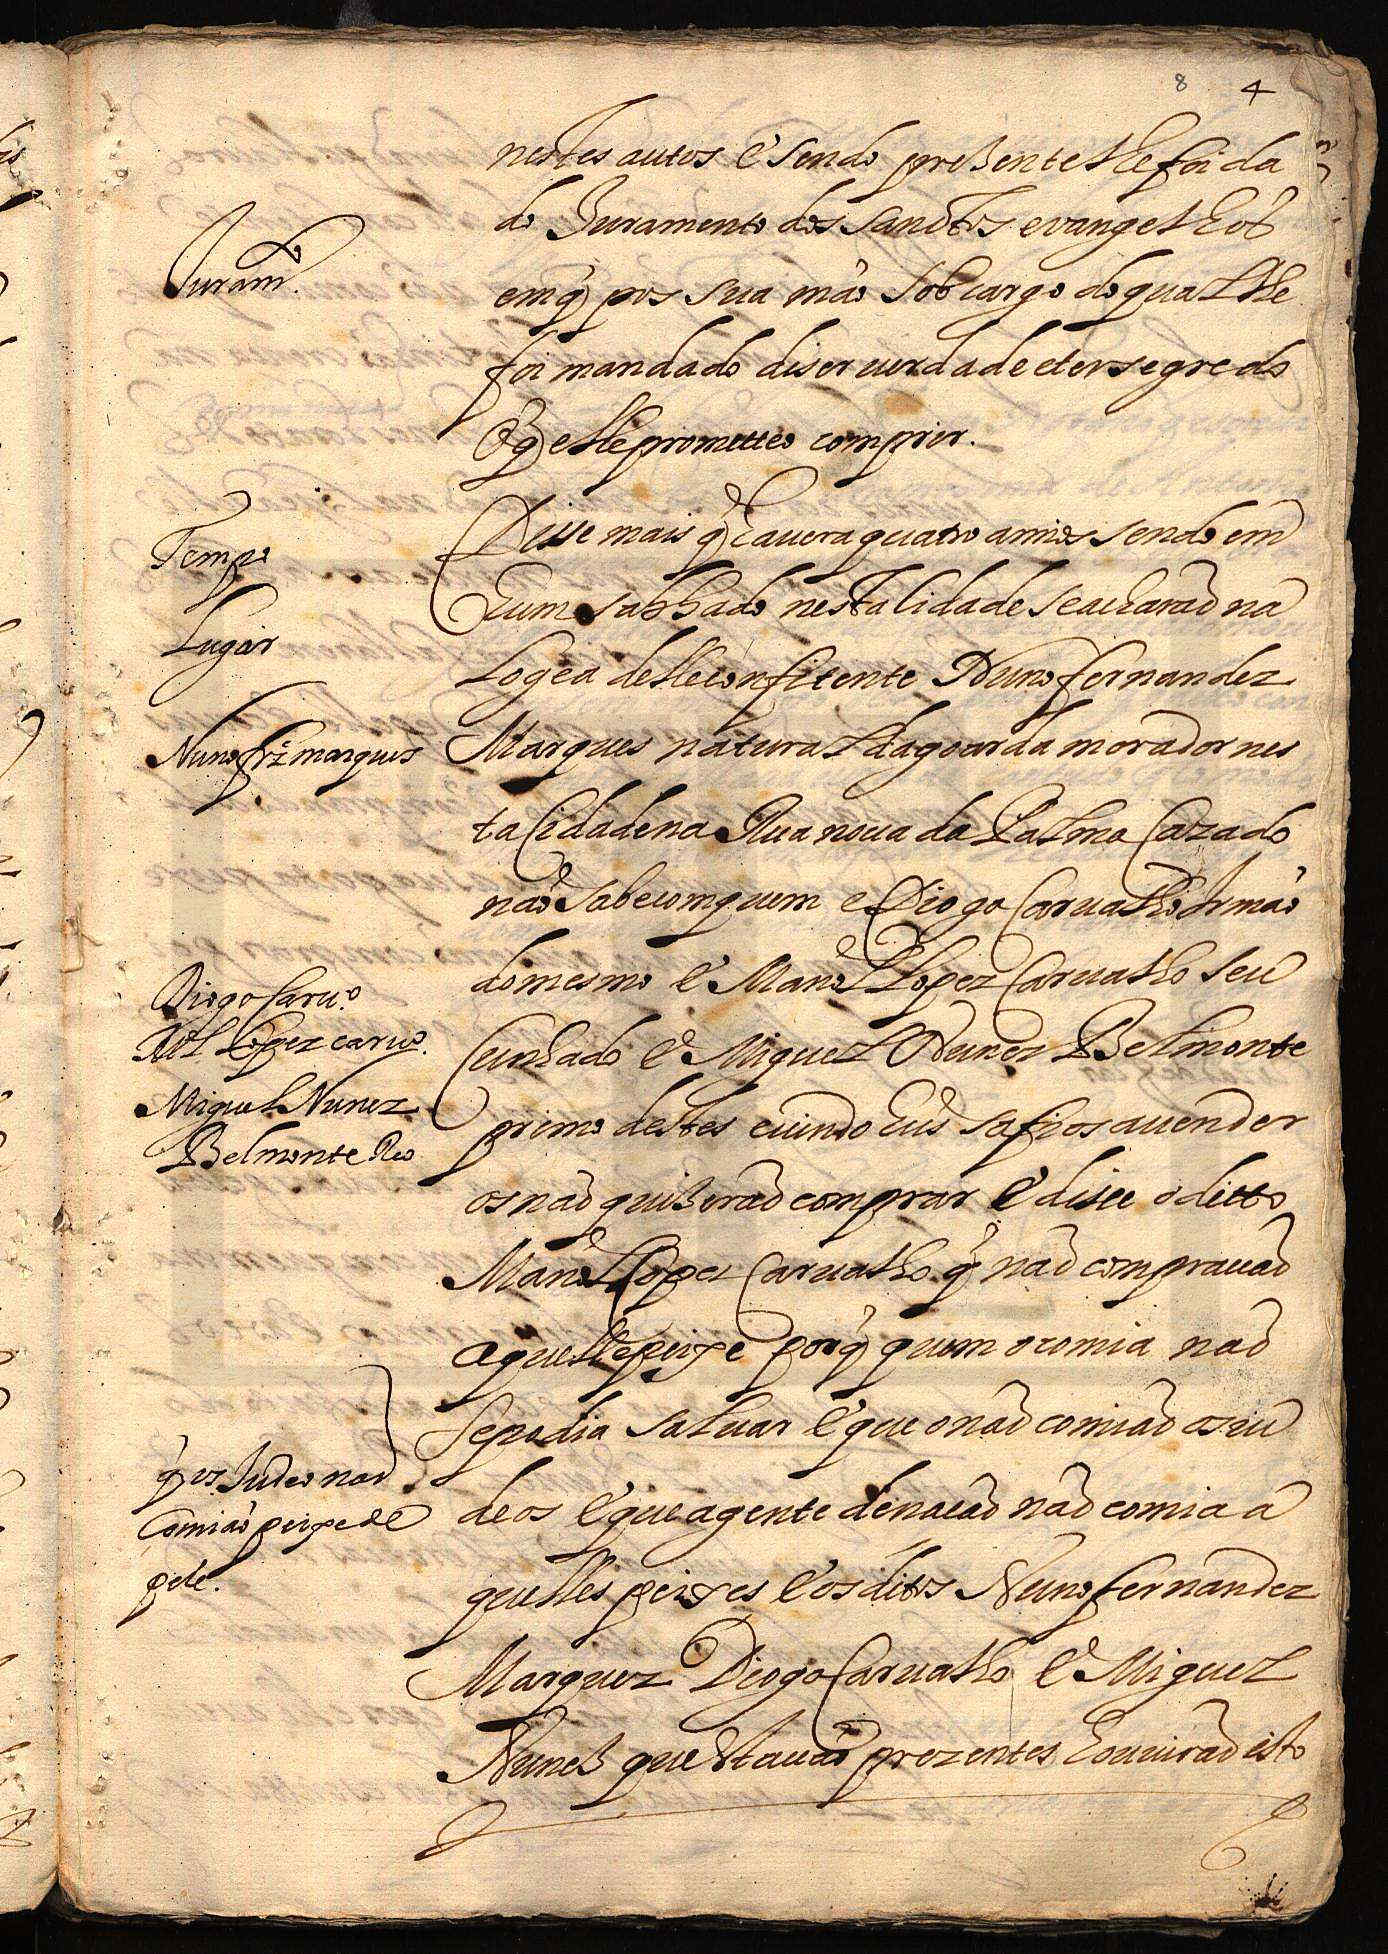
Iuram.to
Tempo
Lugar
Nuno frz̄ marques
Diogo Caru.o
Mel Lopez caruo.
Miguel Nunez
Belmonte Reo
q̄ os Iudeo naõ
Comião peixe de
pele.
4
nestes autos e sendo prezente lhe foi da
do Iuramento dos sanctos evangelhos
em q̄ pos sua mão sob cargo do qual lhe
foi mandado diser uerdade e ter segredo
O q̄ elle prometteo comprir.
Disse mais q̄ hauera quatro annos sendo em
hum sabbado nesta Cidade se acharaõ na
Logea delle confitente Nuno fernandez
Marques natural da goarda morador nes
ta Cidade na Rua noua da Palma Cazado
naõ sabe com quem, e Diogo Carualho Irmaõ
do mesmo e Manoel Lopez Carualho seu
Cunhado e Miguel Nunez Belmonte
primo destes e uindo hūs safios a uender
os não quizerão comprar e disse o ditto
Manoel Lopez Carualho q̄ naõ comprauaõ
aquelle peixe porq̄ quem o comia naõ
se podia saluar e que o naõ comião os iu
deos E que a gente de nação naõ comia a
quelles peixes, e os ditos Nuno fernandez
Marquez Diogo Carualho, e Miguel
Nunez que estauaõ prezentes E ouuirão isto
